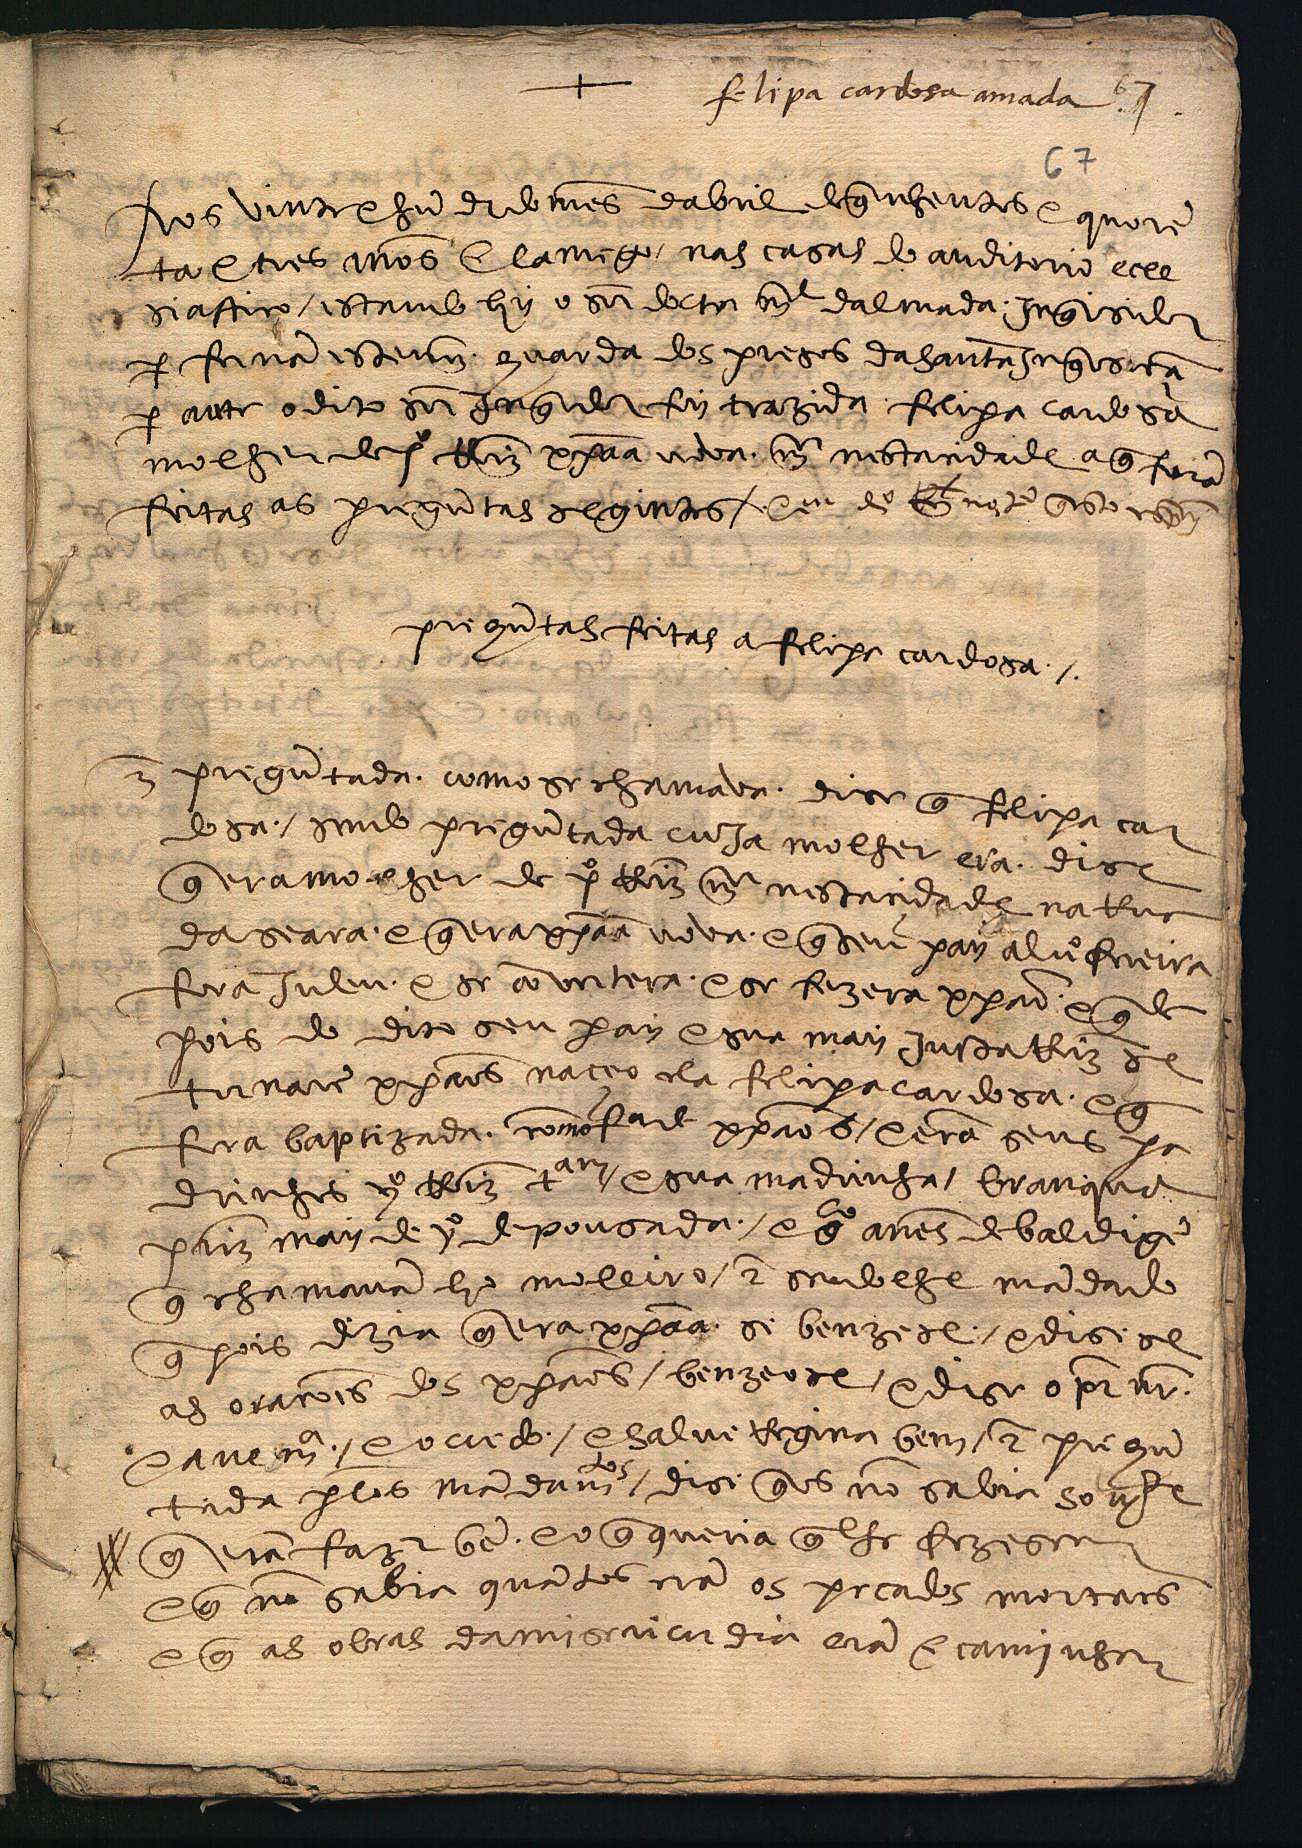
felipa cardosa amada
Aos vinte e hū di do mes dabril de q̄nhentos e quorē
ta e tres anōs ē lamego / nas casas do auditorio ecle
siastico / estando hy o s̄or doctor mel dalmada Jnq̄isidor
ꝑ fernā esteuez guarda dos presos da santa Jnq̄isiçā
ꝑante o dito s̄or Jnq̄idor foy trazida felipa cardosa
molher de po Rōiz xpāa nova. mor nesta çidade a q̄ forā
feitas as pregūtas segintes / e eu do R̄z noto q̄ esto esp̄vy
pregūtas feitas a felima cardosa ./.
item pregūtada. como se chamava. dise q̄ felipa car
dosa ./ sendo pregūtada cuJa molher era. dise
q̄ era molher de po Roīz mor nesta çidade na Rua
da seara. e q̄ era xpāa nova. e q̄ seu pay aluo fereira
fora Judeu. e se c̄overtera. e se fezera xpão. e q̄ de
pois do dito seu pay e sua may Justa Roīz se
tornarē xpãos naçeo ela felipa cardosa. e q̄
fora baptizada. c̄omo fa de xpãos / e er̄a seus pa
drinhos yo Roīz tam / e sua madrinha / branqua
prīz may de yo de pousada./ e gco anēs de baldigē
q̄ chamauā ho molleiro / item sendolhe mādado
q̄ pois dizia q̄ era xp̄aa. se benzese./ e disese
as oracões dos xpãos / benzeose / e dise o p̄r nr̄.
e aue ma./ e o credo./ e salue Regina bem / item pregū
tada p̄los mādamtos / dise q̄ os nō sabia somte
q̄ erā fazer bē. e o q̄ queria q̄ lhe fezesem
e q̄ n̄o sabia quātos erā os pecados mortaes
e q̄ as obras da misericordia erā ēcamjnhar
